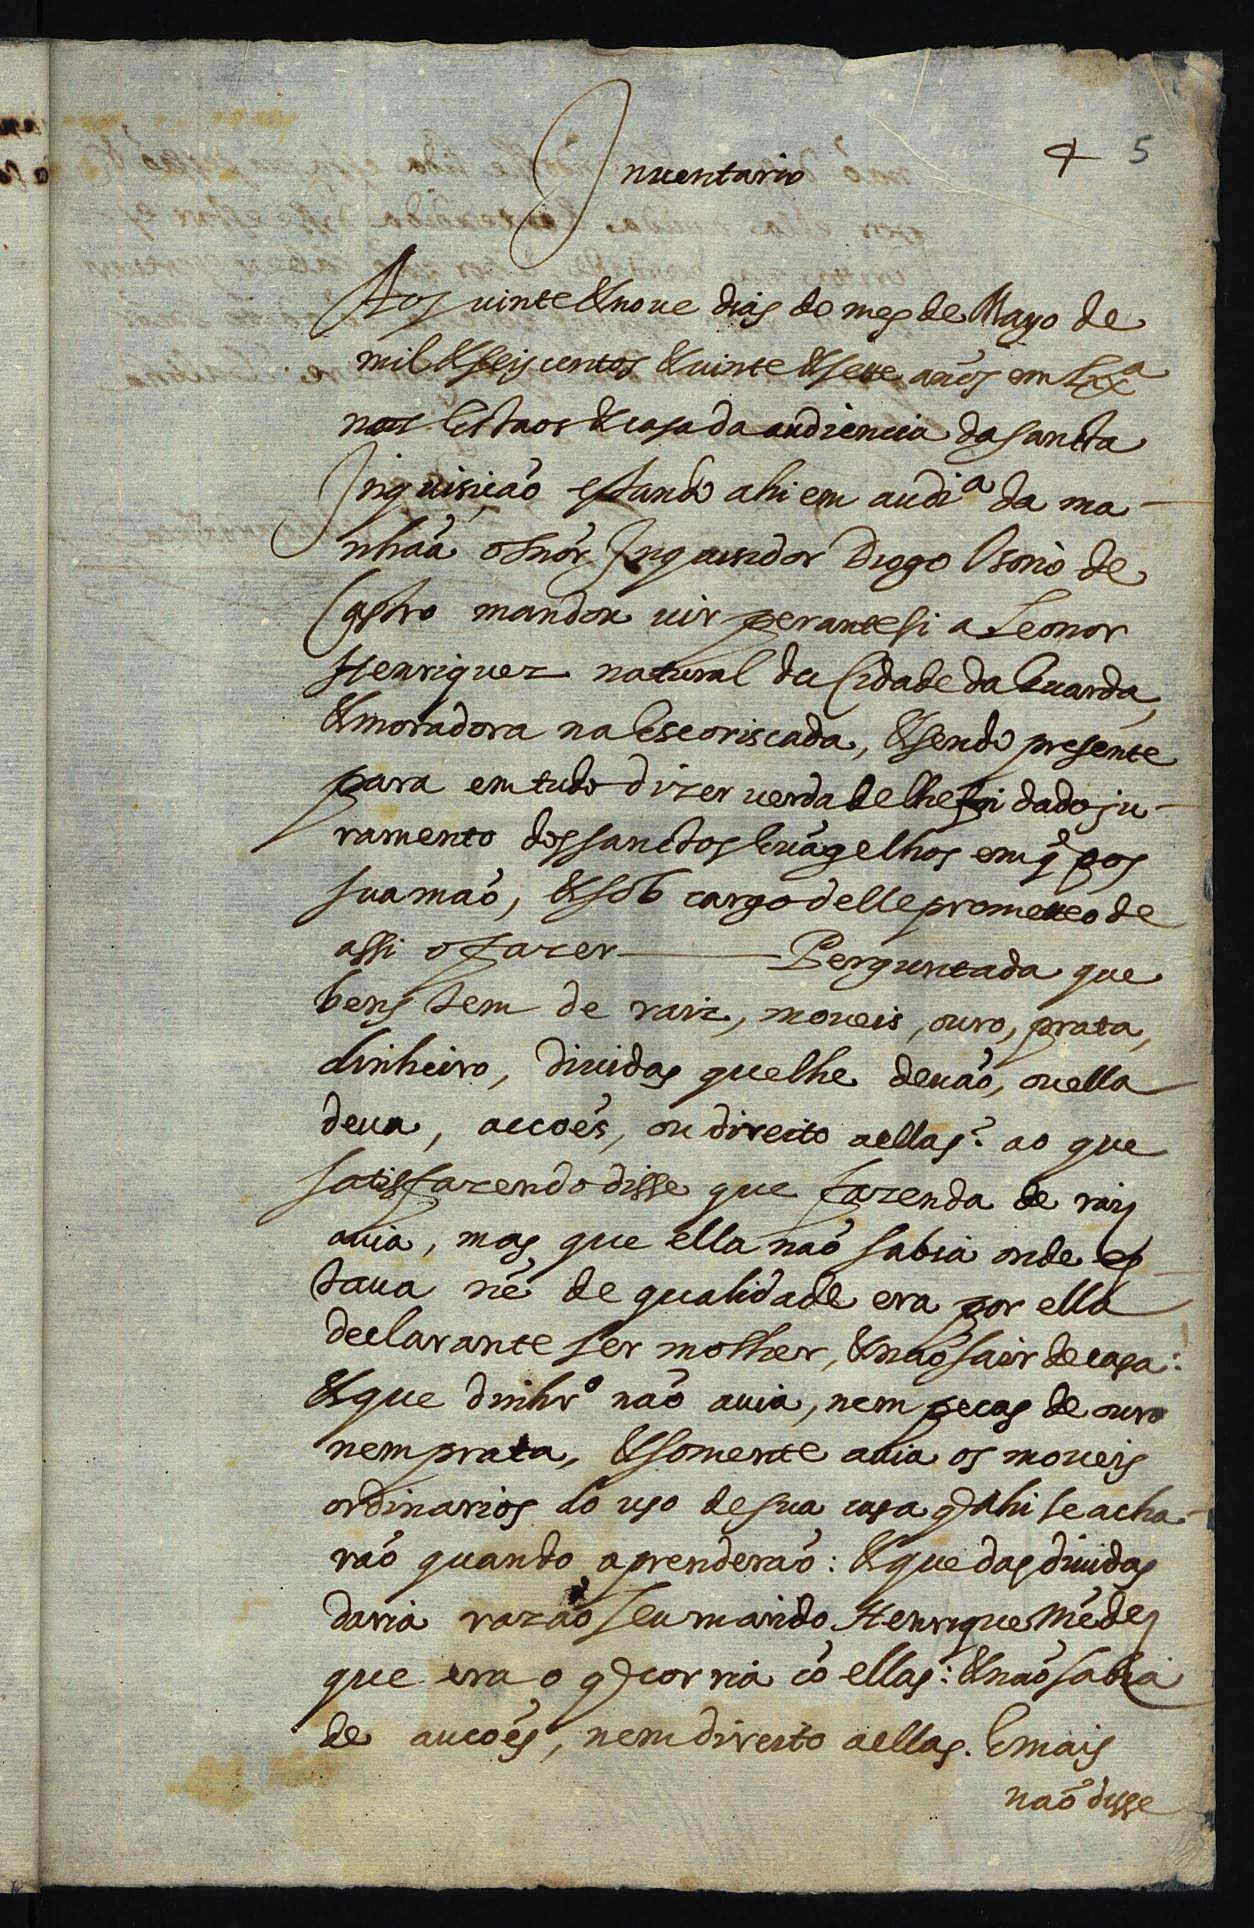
Jnuentario
Aos uinte & noue dias do mes de Mayo de
mil & seiscentos & uinte & sette anōs em Lxxa
nos Estaos & casa da audiencia da sancta
Jnquisição estando ahi em audia da ma
nhaã o sno̅r Jnquisidor Diogo Osorio de
Castro mandou uir perante si a Leonor
Henriquez natural da Cidade da Guarda,
& moradora na Escoriscada, & sendo presente
para em tudo dizer uerdade lhe foi dado ju
ramento dos sanctos Euāgelhos em q̄ pos
sua maõ, & sob cargo delle prometteo de
assi o fazer
Perguntada que
bens tem de raiz, moueis, ouro, prata,
dinheiro, diuidas que lhe deuaõ, ou ella
deua, acçoẽs, ou direito a ellas? ao que
satisfazendo disse que fazenda de raiz
auia, mas que ella naõ sabia onde es
taua nē de qualidade era por ella
declarante ser molher, & naõ sair de casa
& que dinhro naõ auia, nem peças de ouro
nem prata, & somente auia os moueis
ordinarios do uso de sua casa q̄ ahi se acha
raõ quando aprenderaõ: & que das diuidas
daria razaõ seu marido Henrique Mēdez
que era o q̄ corria cō ellas: & naõ sabha
de auços, nem direito a ellas. E mais
naõ disse
